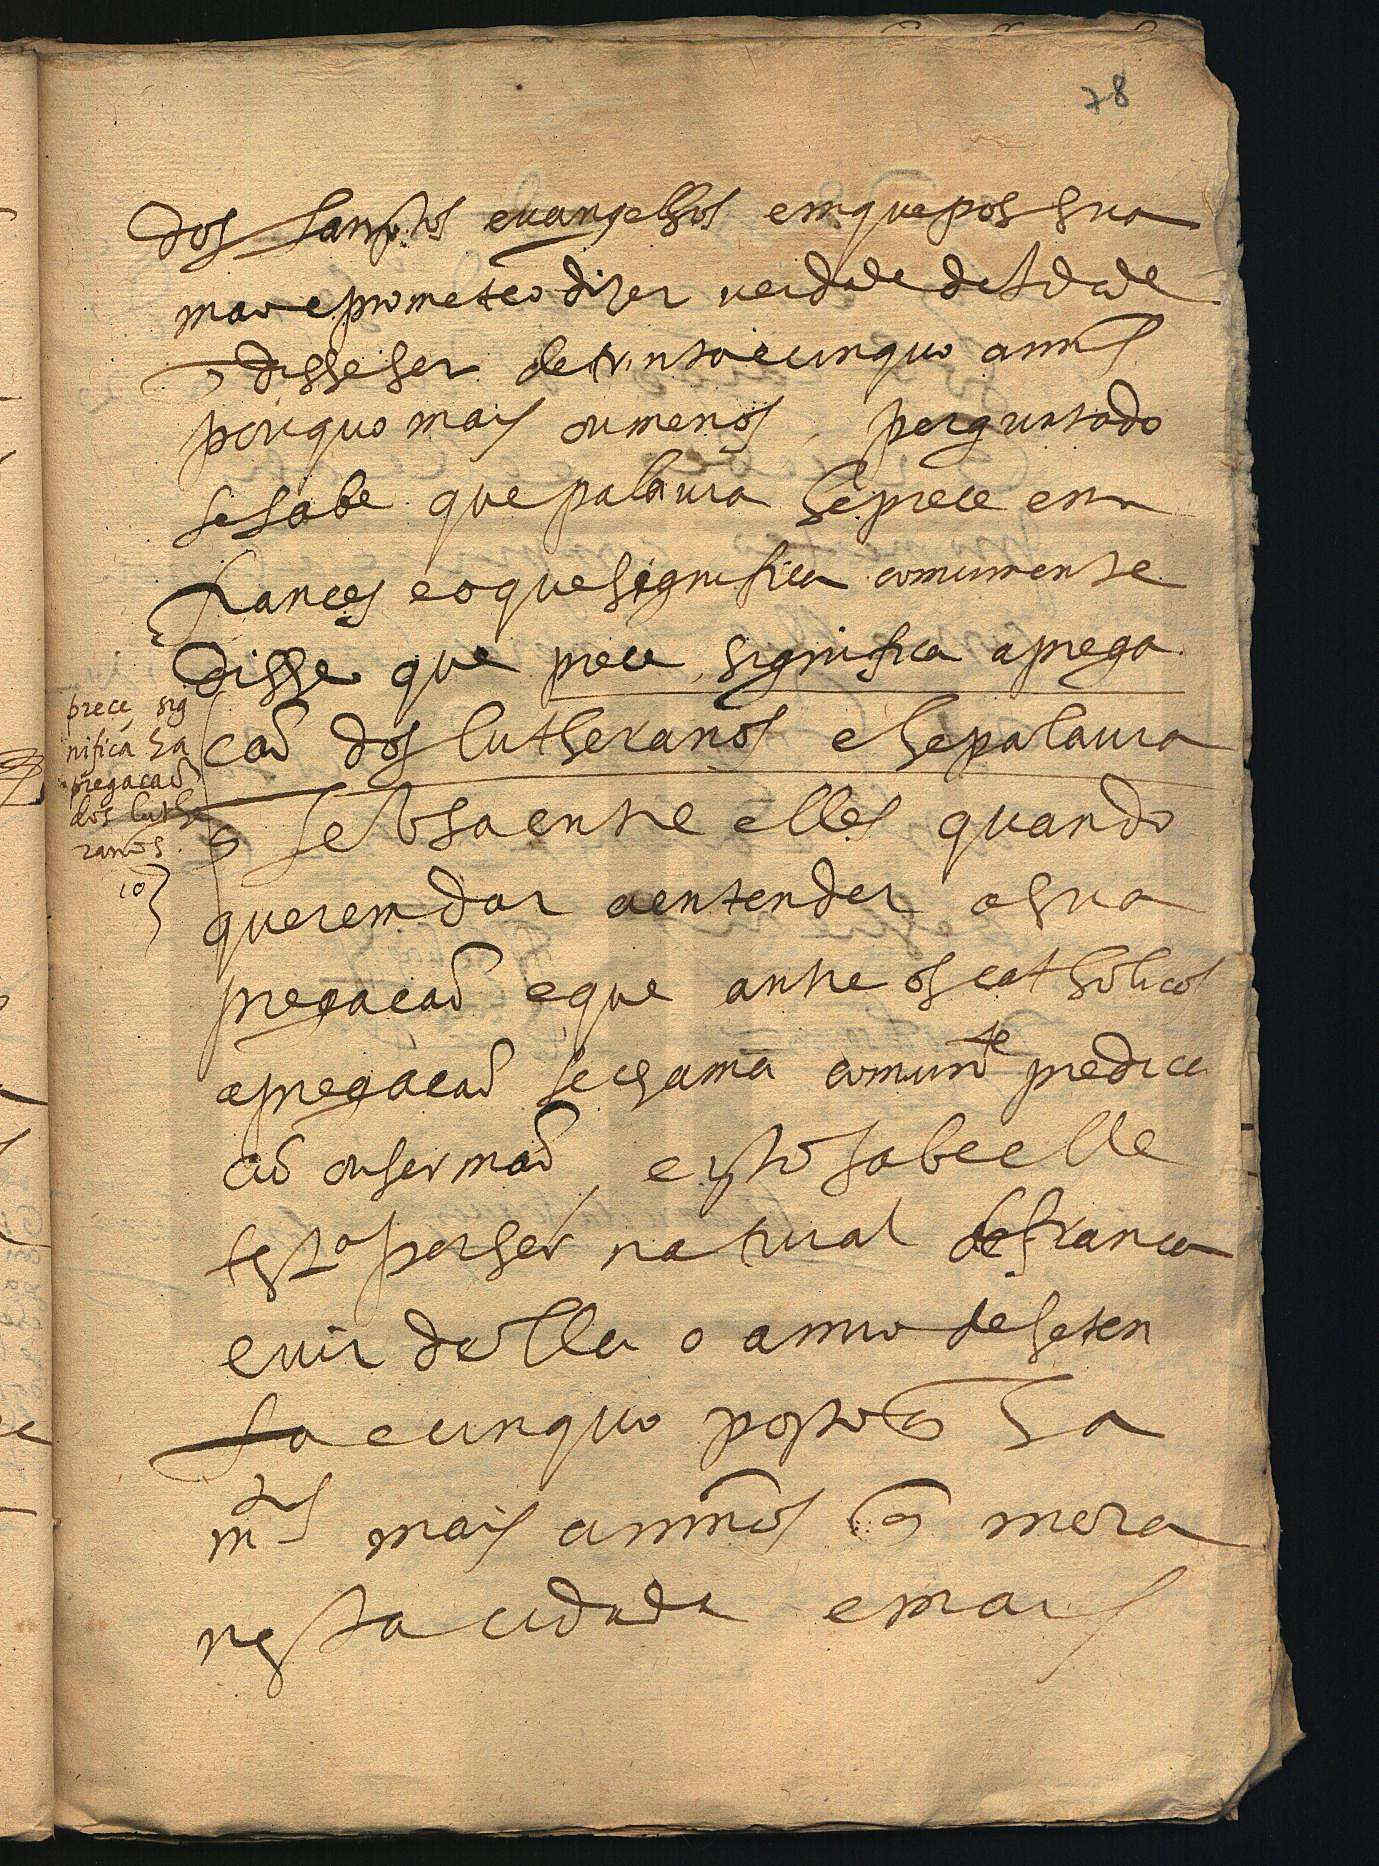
prece, sig
nifica ha
pregaçaõ
dos luthe
ranos
10
dos sanctos euangelhos em que pos sua
mao e prometeo dizer uerdade de Idade
q̄ disse ser de trinta e cinquo annos
pouquo mais ou menos, perguntado
se sabe que palaura he prece em
frances, e o que significa comumente
disse que prece significa a prega
ção dos lutheranos e he palaura
q̄ se vsa entre elles quando
querem dar a entender a sua
pregação e que antre os catholicos
a pregaçaõ se chama comumte predica
ção ou sermão, e isto sabe elle
testa por ser natural de frança
e uir della o anno de seten
ta e cinquo posto q̄ ha
mtos mais annos q̄ mora
nesta cidade e mais
